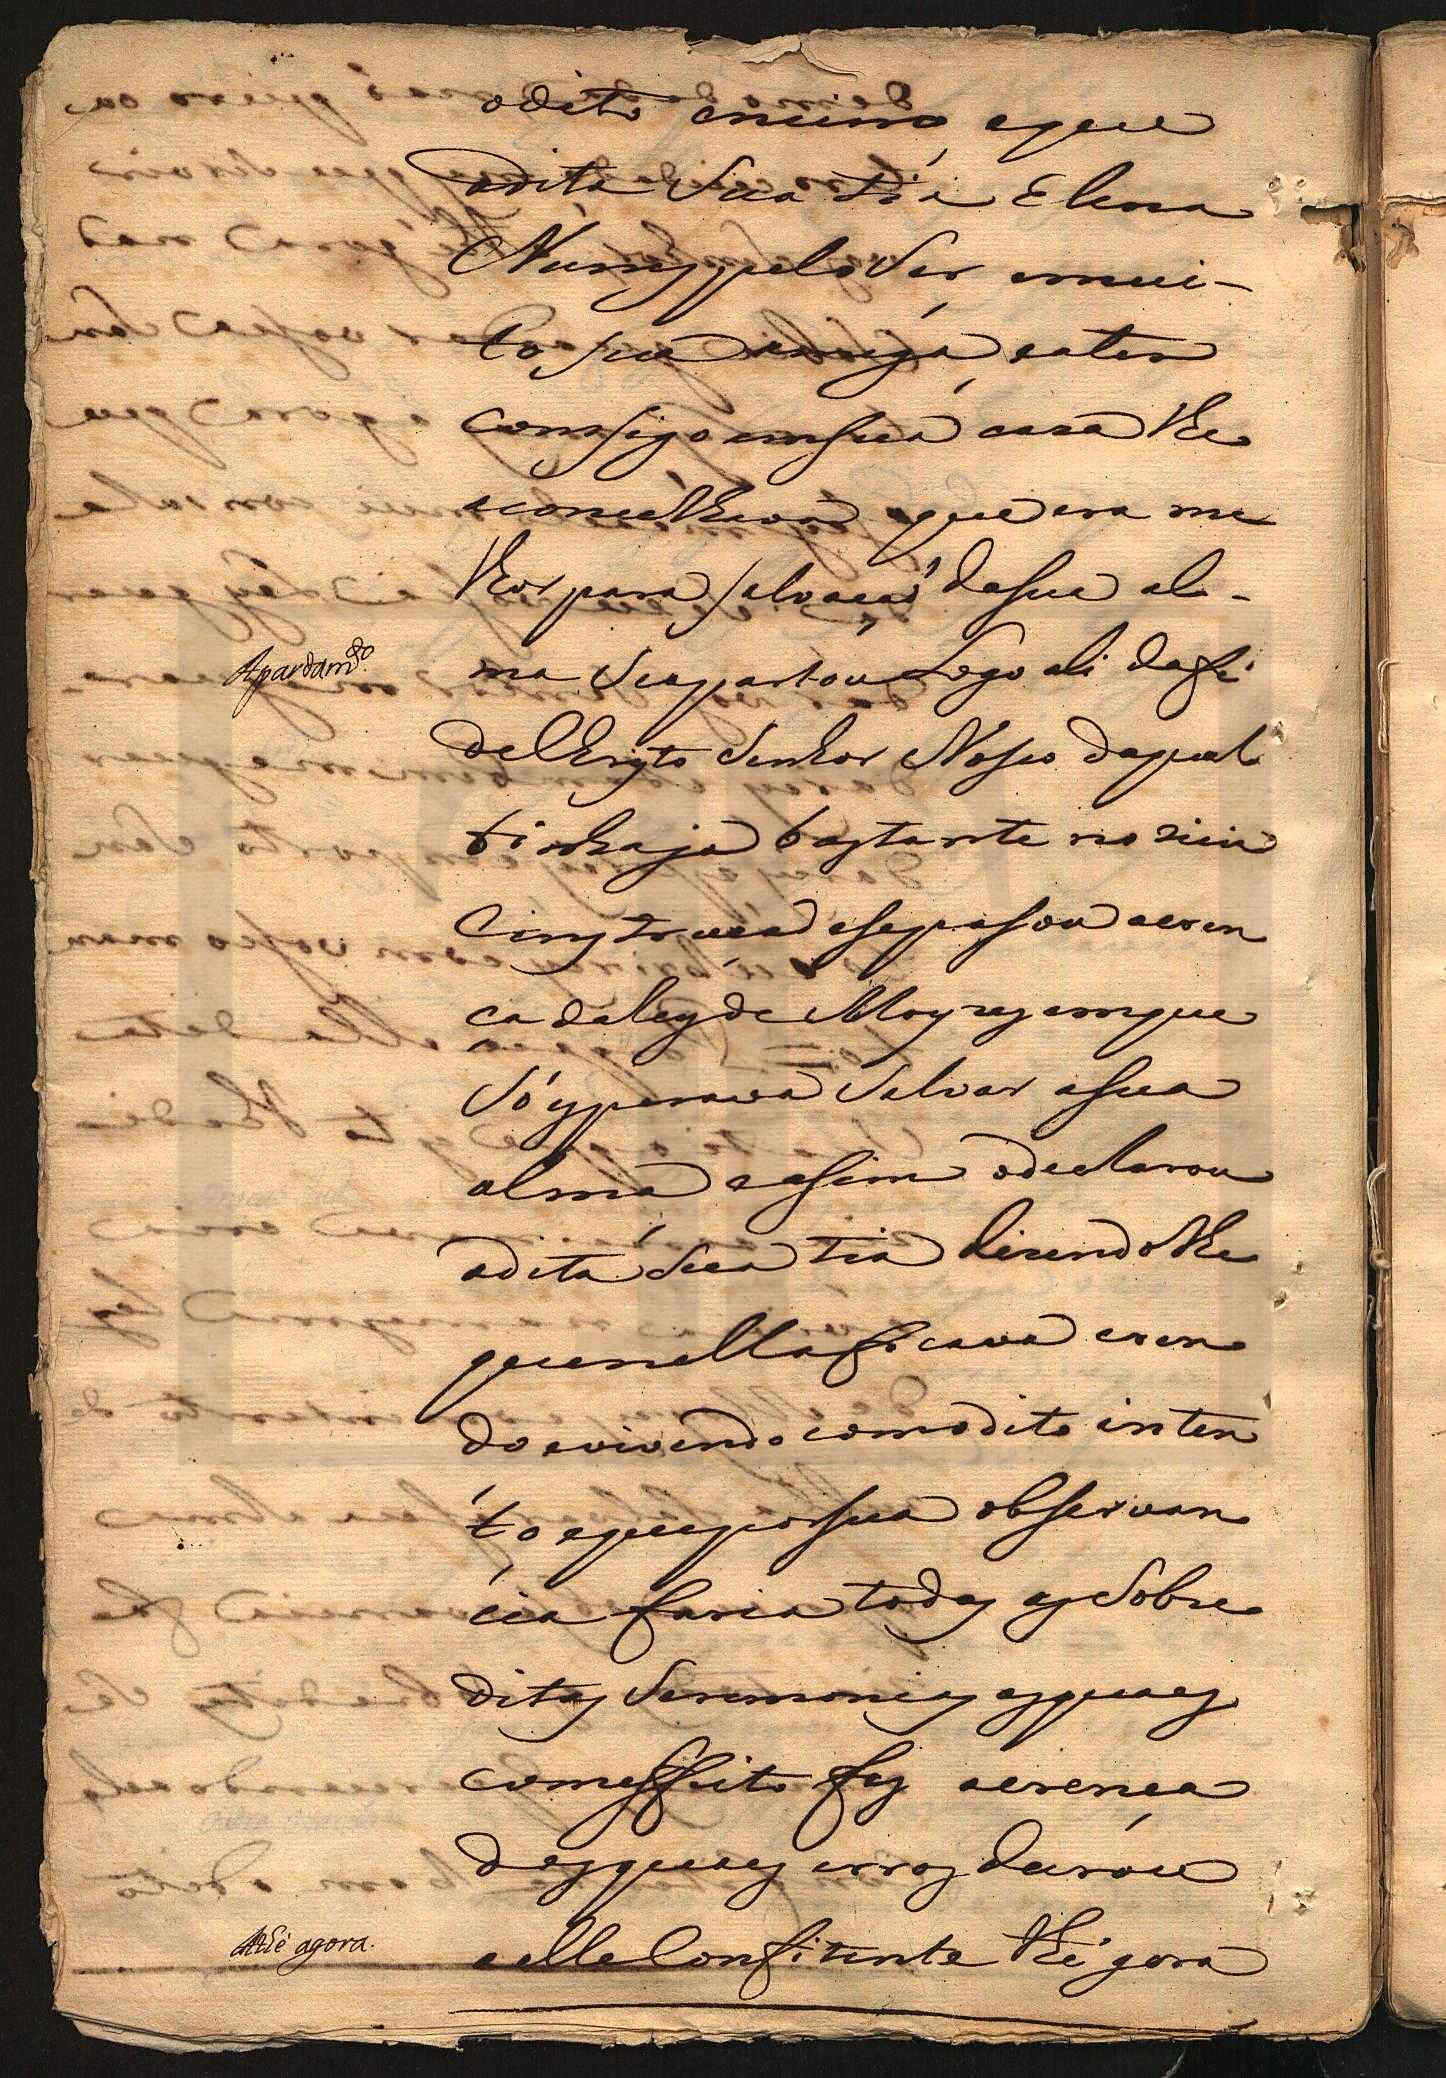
o dito encino, e que
a dita Sua Tia Elena
Nunes pelo Ser, e mui
to sua amiga, e a ter
comsigo em sua caza lhe
aconcelhava que era me
lhor para salvaçaõ da sua al
ma se apartou Logo ali da fé
Apartam.to
de Christo Senhor Nosso da qual
tinha ja bastante noticia
e instruçaõ e se pasou a cren
ça da ley de Moyzes em que
Só esperava Salvar a sua
alma, e asim o declarou
a dita sua tia dizendolhe
que nella ficava cren
do e vivendo com o dito inten
to, e que por sua observan
cia faria todas as Sobre
ditas Seremonias as quaes
com effeito fas a crença
dos quaes erros durou
Athé agora.
e ele Confitente thé gora
